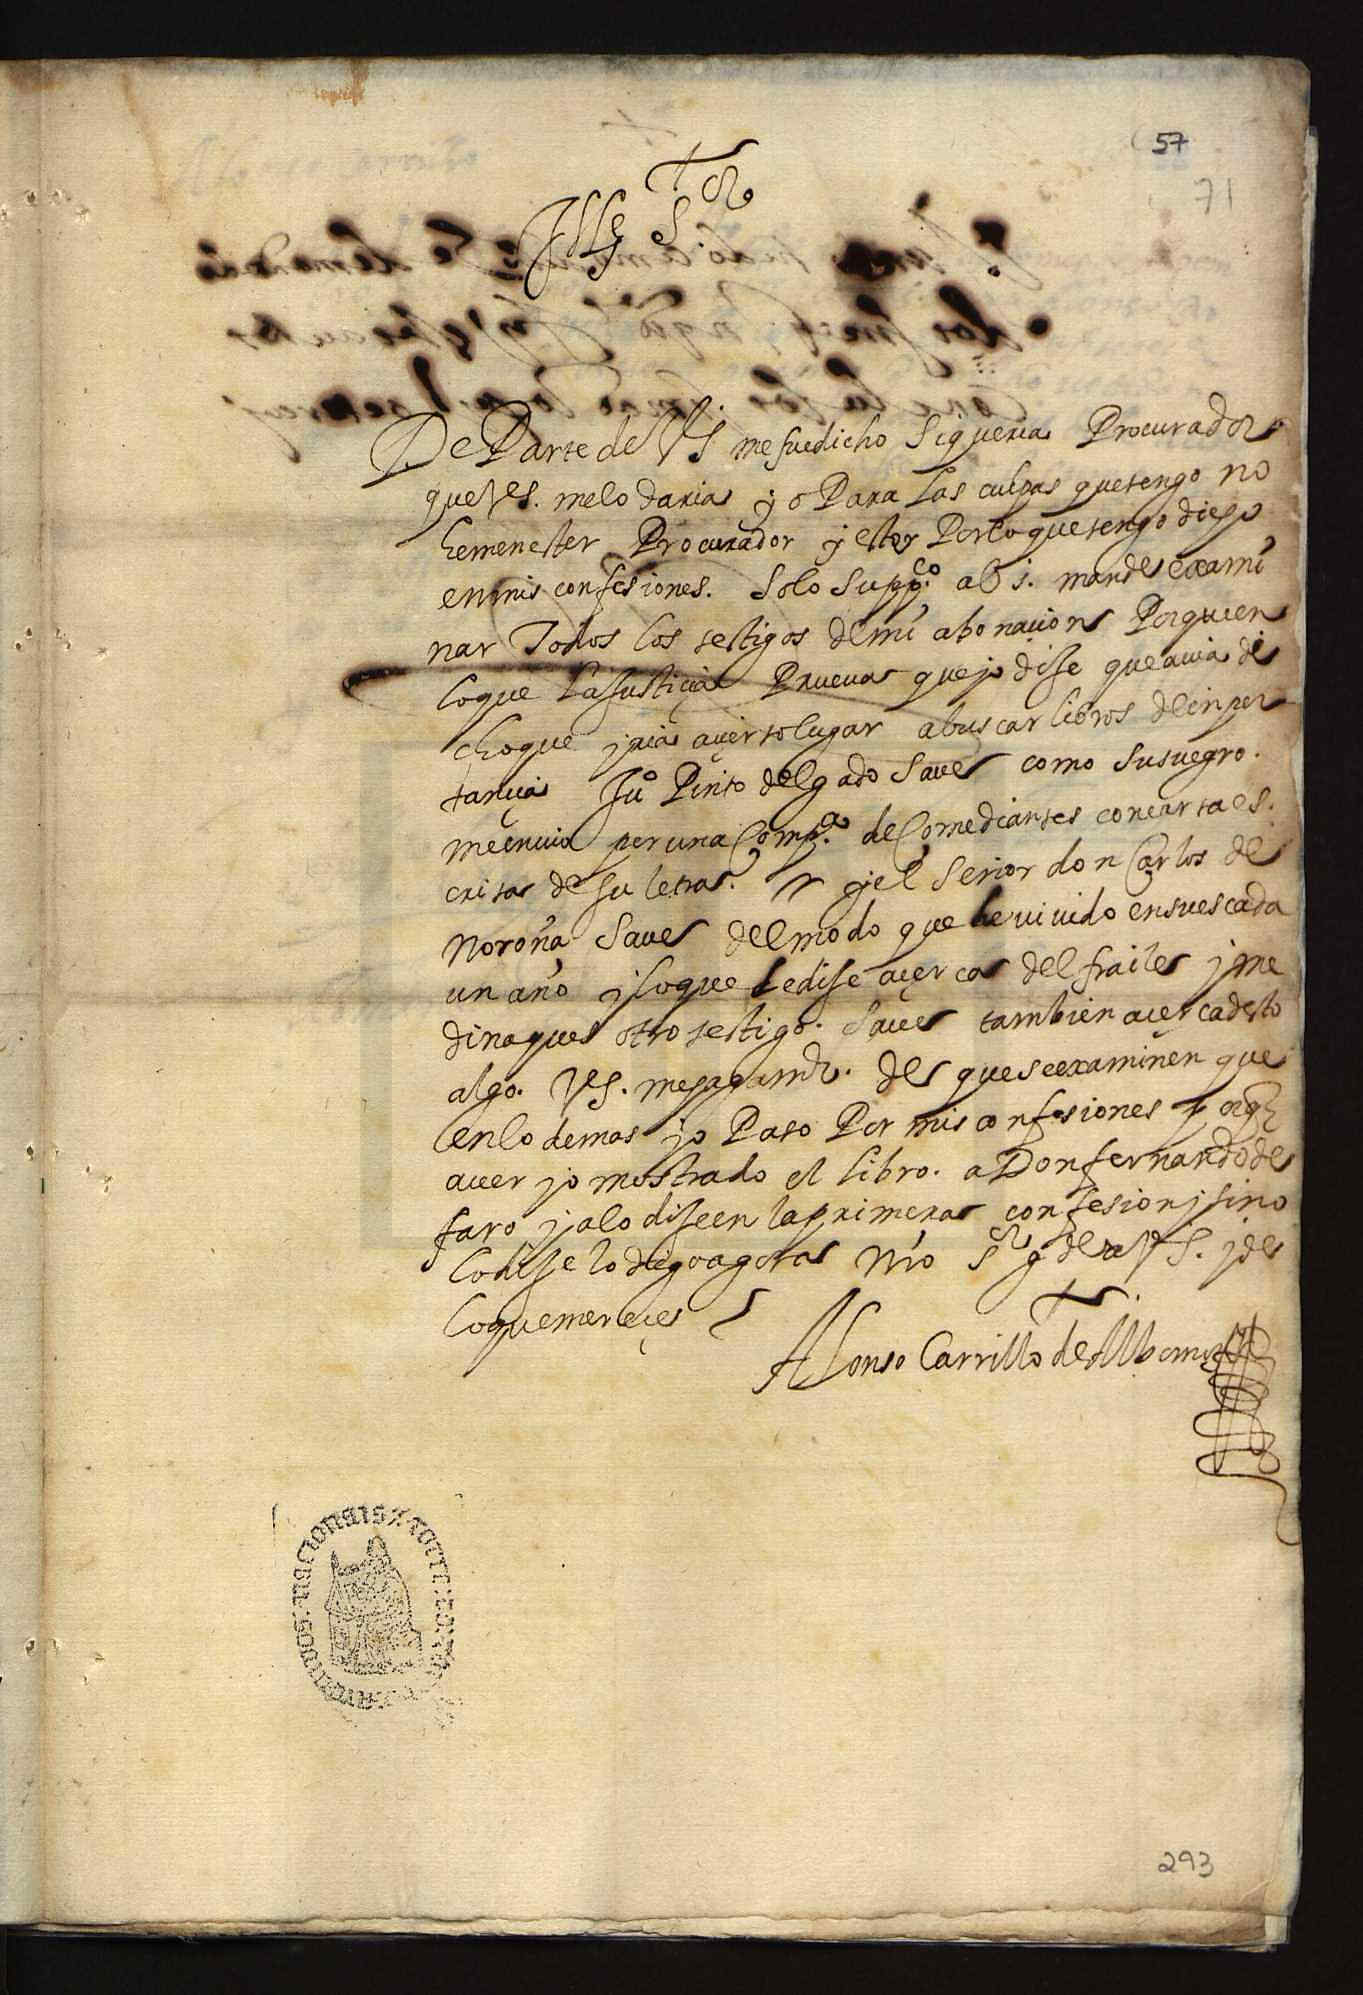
Jllꝭe S.or
De Parte de V S me fue dicho si queria Procurador
que V s. me lo daria yo Para las culpas que tengo no
he menester Procurador y estoy Por lo que tengo dicho
en mis confesiones. Solo Supp.co a V s. mande exami
nar Todos los testigos de mi abonacion Por quien
lo que da Justicia Prueua que jo diJe que auia di
cho que jria a certo lugar a buscar libros de inpor
tancia Juo Pinto delgado saue como su suegro
me enuia per una Comp.a de Comediantes con carta es
crita de su letra // y el senor don Carlos de
noroña Saue del modo que he uiuido en su escada
un año y lo que le diJe acerca del fraile j me
dina ques otro testigo Saue tambien acerca desto
algo V S. me haga md. de que se examinen que
en lo demas yo Paso Por mis confesiones porq̄
auer jo mostrado el libro. a Don fernando de
faro ya lo diJe en la primera confesion y sino
lo diJe lo digo agora nr̄o sor gde a V S. y de
lo que merece
ALonso Carrillo de Albornoz
